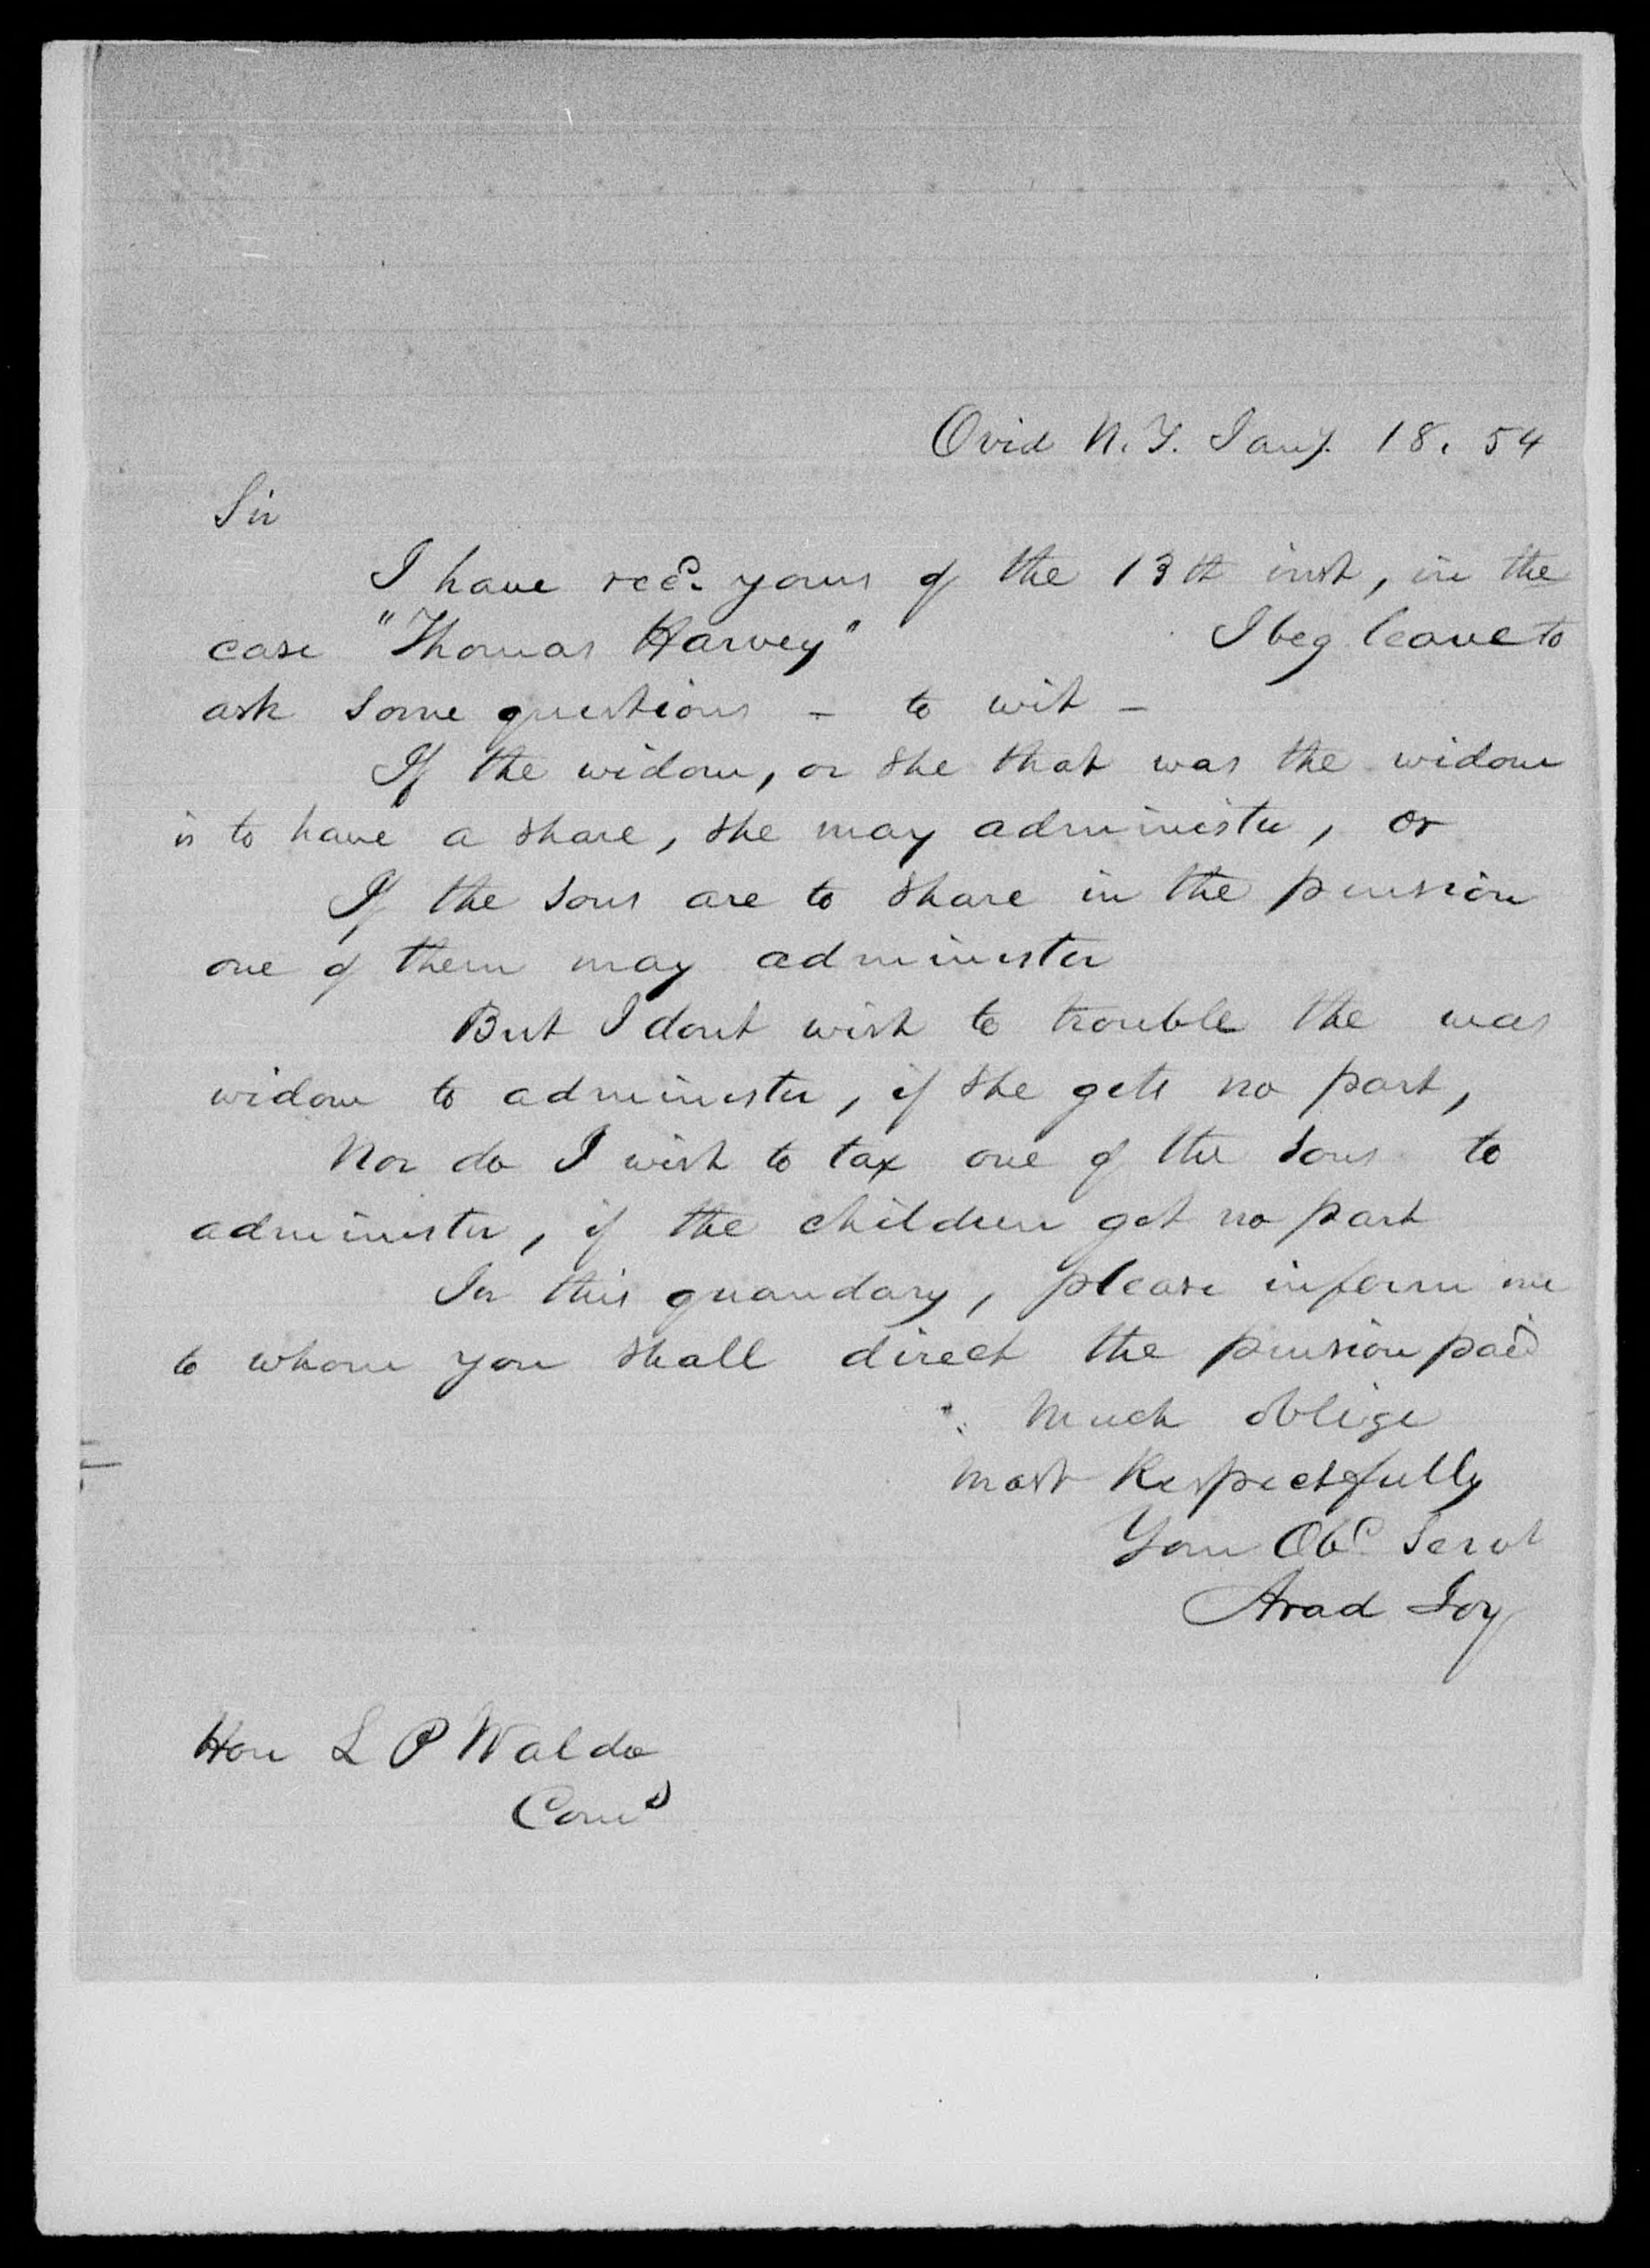[handwritten letter]
Ovid N.Y. Jan'y 18, 54

Sir
I have rec'd yours of the 13th inst, in the case "Thomas Harvey" I beg leave to ask some questions - to wit - 
If the widow, or she that was the widow is to have a share, she may administer, or 
If the sons are to share in the pension one of them may administer
But I don't wish to trouble the was widow to administer, if she gets no part, Nor do I wish to tax one of the sons to administer, if the children get no part
In this quandary, please inform me to whom you shall direct the pension paid
Much oblige most Respectfully Your Ob't Serv't
/s/Arad Joy
Hon L. P. Waldo
Com'r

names: L P Waldo, Arad Joy, Thomas Harvey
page: 31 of 80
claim: survivor's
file: S. 18008, Thomas Harvey, N.H.